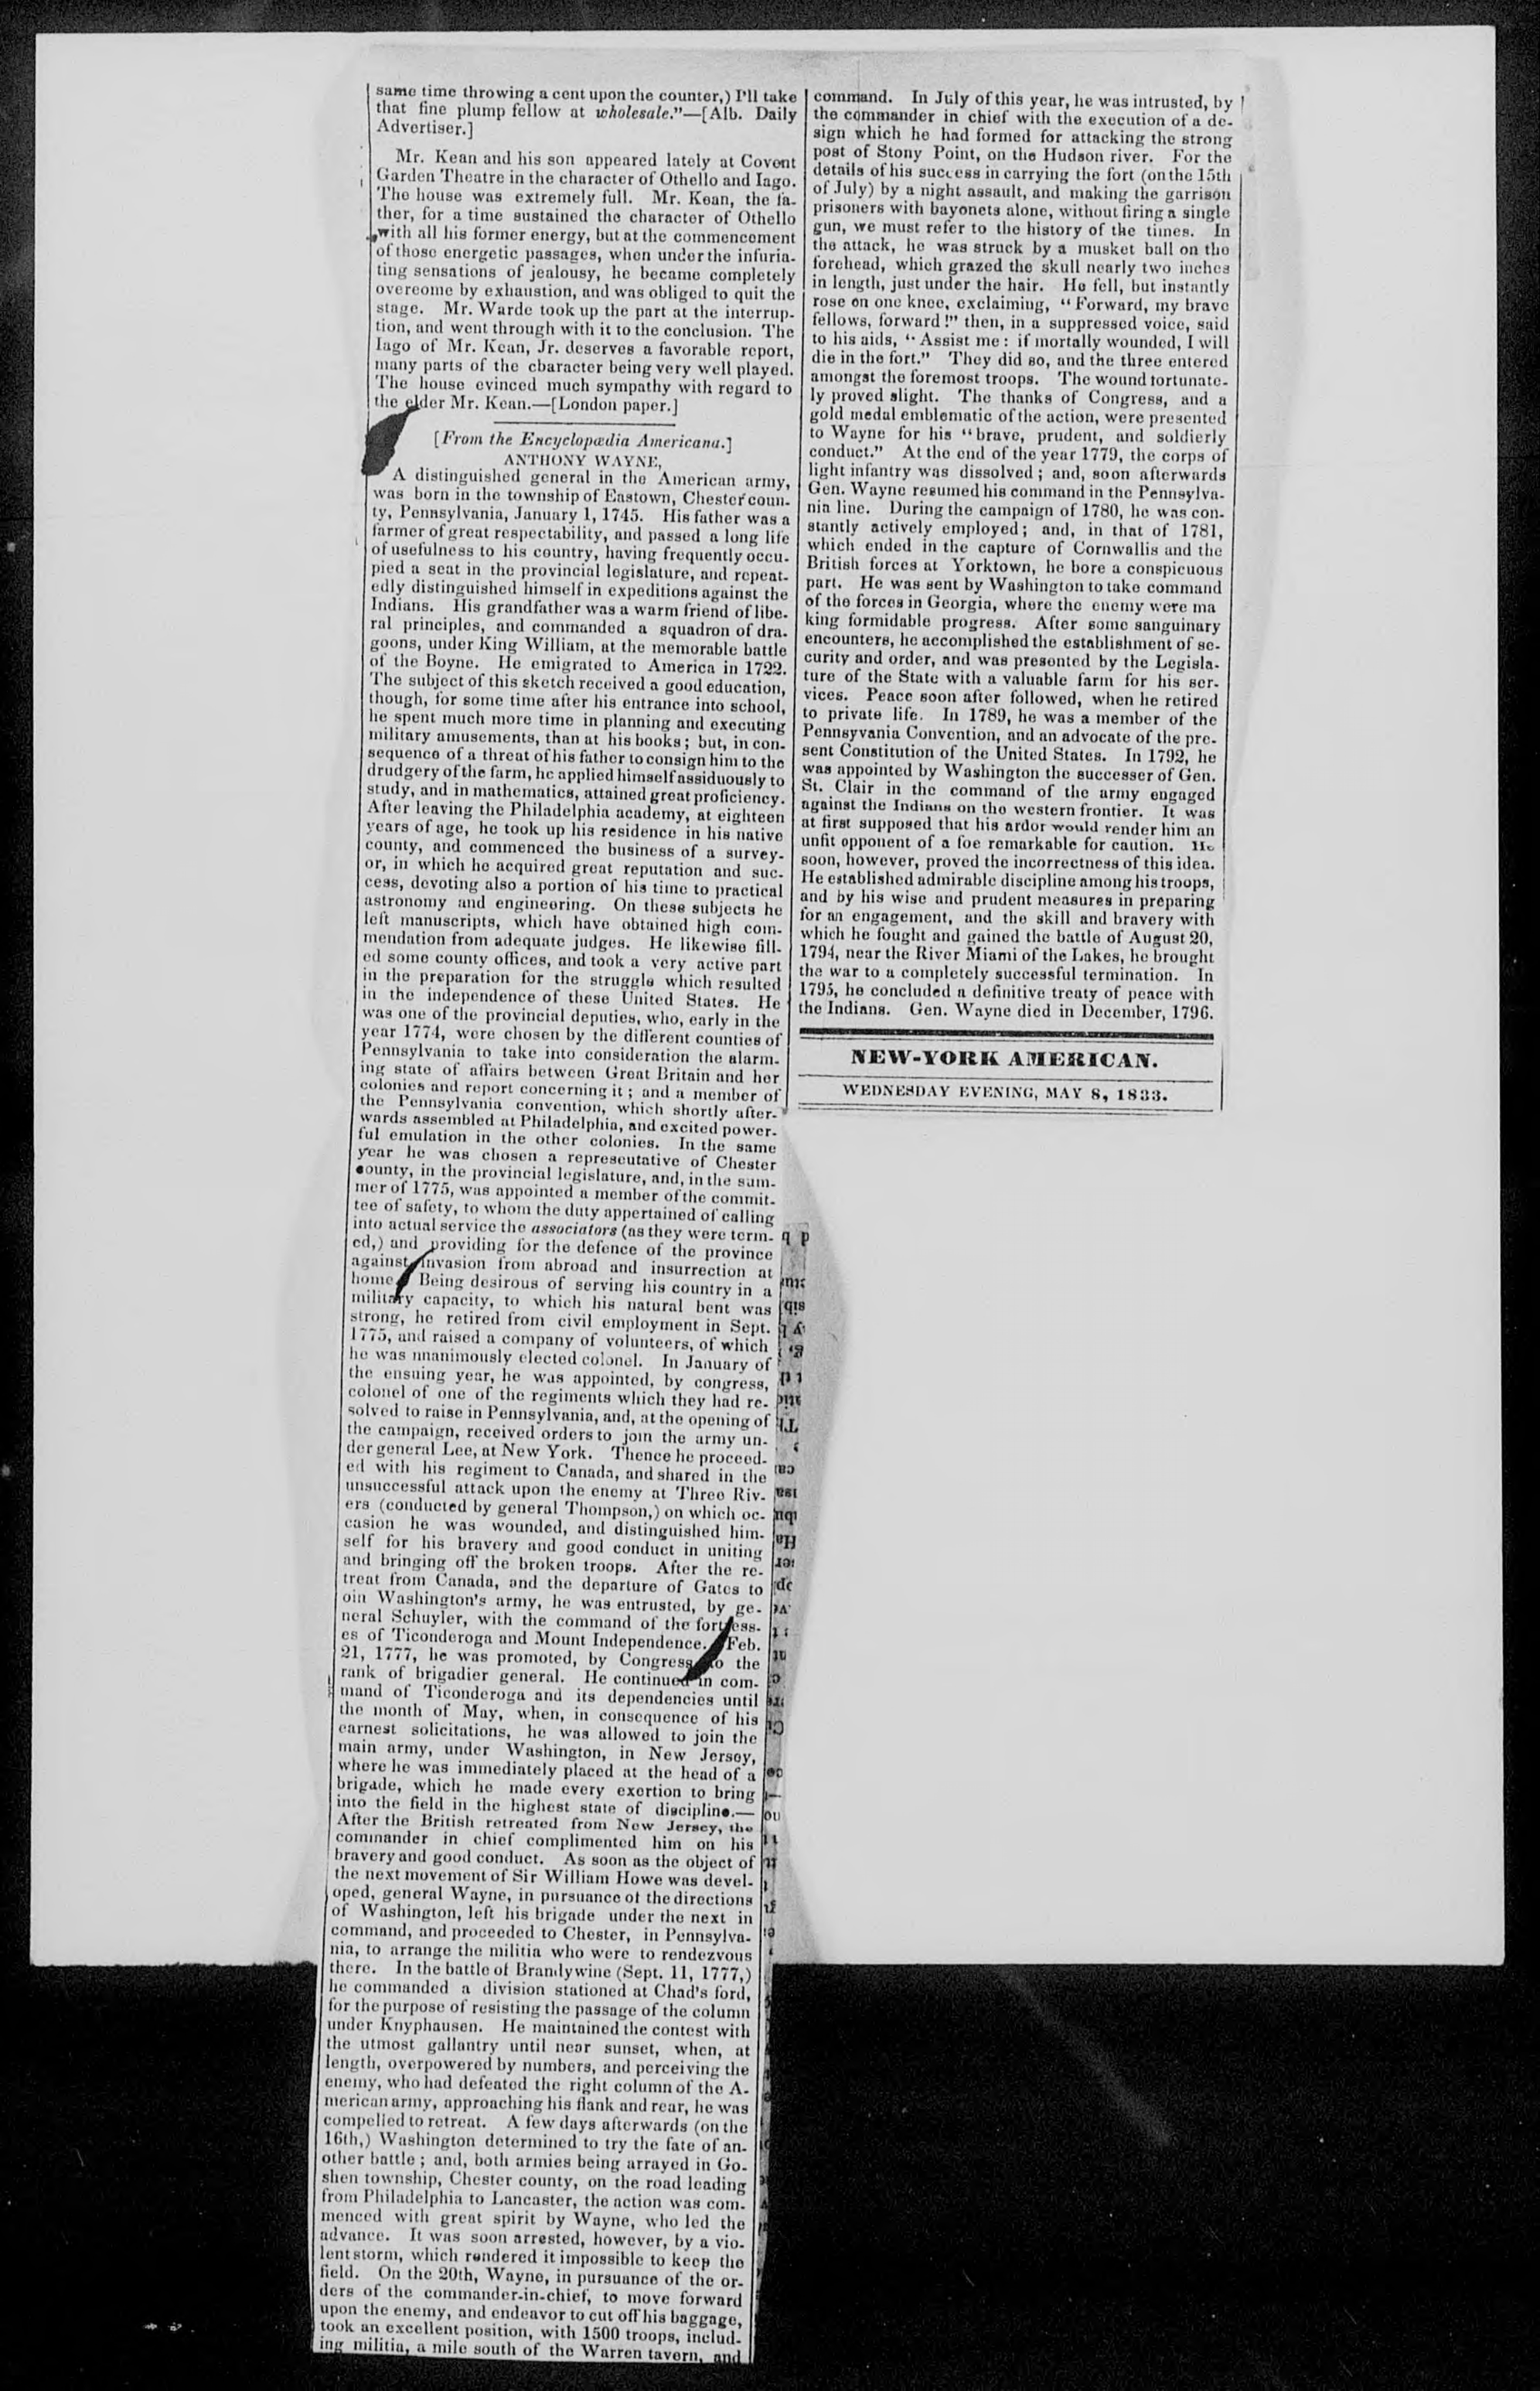same time throwing a cent upon the counter,) I'll take that fine plump fellow at wholesale."--[Alb. Daily Advertiser.]

Mr. Kean and his son appeared lately at Covent Garden Theatre in the character of Othello and Iago.  The house was extremely full.  Mr. Kean the father, for a time sustained the character of Othello with all his former energy, but at the commencement of those energetic passages, when under the infuriating sensations of jealousy, he became completely overcome by exhaustion, and was obliged to quit the stage.  Mr. Warde took up the part at the interruption and went through  with it to the conclusion.  The Iago of Mr. Kean, Jr. deserves a favorable report, many parts of the character being very well played.  The house evinced much sympathy with regard to the elder Mr. Kean.--[London paper.]
---------------------------
[From the Encyclopedia Americana.]
ANTHONY WAYNE,
A distinguished general in the American army, was born in the township of Eastown, Chester county, Pennsylvania, January 1, 1745.  His father was a farmer of great respectability, and passed a long life of usefulness to his country, having frequently occupied a seat in the provincial legislature, and repeatedly distinguished himself in expeditions against the Indians.  His grandfather was a warm friend of liberal principles, and commanded a squadron of dragoons, under King Williams, at the  memorable battle of the Boyne.  He emigrated to America in 1722.  The subject of this sketch received a good education, though, for some time after his entrance into school, he spent much more time in planning and executing military amusements, than at his books; but, in consequence of a threat of his father to consign him to the drudgery of the farm, he applied himself assiduously to study, and in mathematics, attained great proficiency.  After leaving the Philadelphia academy, at eighteen years of age, he took up his residence in his native county, and commenced the business of a surveyor, in which he acquired great reputation and success, devoting also a portion of his time to practical astronomy and engineering.  On these subjects he left manuscripts, which have obtained high commendation from adequate judges.  He likewise filled some county offices, and too a very active part in the preparation for the struggle which resulted in the independence of these United States.  He was one of the provincial deputies, who, early in the year 1774, were chosen by the different counties of Pennsylvania to take into consideration the alarming state of affairs between Great Britain and her colonies and report concerning it; and a member of the Pennsylvania convention, which shortly afterwards assembled at Philadelphia, and excited powerful emulation in the other colonies.    In the same year he was chosen a representative of Chester county, in the provincial legislature, and , in the summer of 1775, was appointed a member of the committee of safety, to whom the duty appertained of calling into actual service the associators (as they were termed,) and providing for the defence of the province against invasion from abroad and insurrection at home.  Being desirous of serving his country in a military capacity, to which his natural bent was strong, he retired from civil employment in Sept. 1775, and raised a company of volunteers, of which he was unanimously elected colonel.  In January of the ensuing year, he was appointed, by congress, colonel of one of the regiments which they had resolved to raise in Pennsylvania, and, at the opening of the campaign, received order to join the army under general Lee, at New York.  Thence he proceeded with his regiment to Canada. and shared in the unsuccessful attack upon the enemy at Three Rivers (conducted by general Thompson,) on which occasion he was wounded, and distinguished himself for his bravery and good conduct igniting and bringing off the broken troops.  After the retreat from Canada, and the departure of Gates to join Washington's army, he was entrusted, by general Schuyler, with the command of the fortresses of Ticonderoga and Mount Independence.  On Feb. 21, 1777, he was promoted, by Congress, to the rank of brigadier general.  He continued in command of Ticonderoga and its dependencies until the month of May, when, in consequence of his earnest solicitations, he was allowed to join the main army, under Washington, in New Jersey, where he was immediately placed at the head of a brigade, which he made every exertion to bring into the field in the highest state of discipline.--
After the British retreated from New Jersey, the commander in chief complimented him on his bravery and good conduct.  As soon as the object of the next movement of Sir William Howe was developed, general Wayne, in pursuance of the directions of Washington, left his brigade under the next in command, and proceeded to Chester, in Pennsylvania, to arrange the militia who were to rendezvous there.  In the battle of Brandywine (Sept. 11, 1777,) he commanded a division stationed at Chad's ford, for the purpose of resisting the passage of the column under Knyphausen.  He maintained the contest with the utmost gallantry until near sunset, when, at length, overpowered by numbers, and perceiving the enemy, who had defeated the right column of the American army, approaching his flank and rear, he was compelled to retreat.  A few days afterwards (on the 16th,) Washington determined to try the fate of another battle; and, both armies being arrayed in Goshen township, Chester county, on the road leading from Philadelphia to Lancaster, the action was commenced with great spirit by Wayne, who led the advance.  It was soon arrested, however, by a violent storm, which rendered it impossible to keep the field.  On the 20th, Wayne, in pursuance of  the orders of the commander-in-chief, to move forward upon the enemy, and endeavor to cut off his baggage, took an excellent position, with 1500 troops, including militia, a mile south of the Warren tavern, and 
[does not seem to pick up at the right spot]
command.  In July of this year, he was intrusted, by the commander in chief with the execution of a design which he had formed for attacking the strong post of Stony Point, on the Hudson river.  For the details of is success in carrying the fort (on the 15th of July) by a night assault, and making the garrison prisoners with bayonets alone, without firing a single gun, we must refer to the history of the times.  In the attack, he was struck by a musket ball on the forehead, which grazed the skull nearly two inches in length, just under the hair.  He fell, but instantly rose on one knee, exclaiming, "Forward, my brave fellows, forward!"  Then, in a suppressed voice, said to his aids, "Assist me:  if mortally wounded, I will die in the fort"  They did so, and the three entered amongst the foremost troops.  The wound fortunately proved slight.  The thanks of Congress, and a gold medal emblematic of the action, were presented to Wayne for his "brave, prudent, and soldierly conduct." At the end of the year 1779, the corps of light infantry was dissolved; and, soon afterwards Gen. Wayne resumed his command in the Pennsylvania line.  During the campaign of 1780, he was constantly actively employed; and, in that of 1781, which ended in the capture of Cornwallis and the British forces at Yorktown, he bore a conspicuous part.  He was sent by Washington to take command of the forces in Georgia, where the enemy were making formidable progress.  After some sanguinary encounters, he accomplished the establishment of security and order, and was presented by the Legislature of the State with a valuable farm for his services  Peace soon after followed, when he retired to private life.  In 1789, he was a member of the Pennsylvania Convention, and an advocate of the present Constitution of the United States.  In 1792, he was appointed by Washington the successor of Gen. St. Clair in the command of the army engaged against the Indians on the western frontier.  It was at first supposed that his ardor would render him an unfit opponent of a foe remarkable for caution.  He soon, however, proved the incorrectness of this idea.  He established admirable discipline among his troops, and by his wise and prudent measures in preparing for an engagement, and the skill and bravery with which he fought and gained the battle of August 20, 1794, near the River Miami of the Lakes, he brought the war to a completely successful termination. In 1795, he concluded a definitive treaty of peace with the Indians.  Gen. Wayne died in December, 1796.
-------------------------------------------------
NEW-YORK AMERICAN
-------------------------------------------------
WEDNESDAY EVENING, MAY 8, 1833.
-------------------------------------------------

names: Kean, Anthony Wayne, Wayne, Kean, Wayne, Warde, Wayne, Thompson, William Howe, Cornwallis, Wayne, Wayne, Kean, Lee, Alb, St Clair, Kean, Wayne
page: 12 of 17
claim: survivor's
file: S. 10575, James Dowling, Penn.